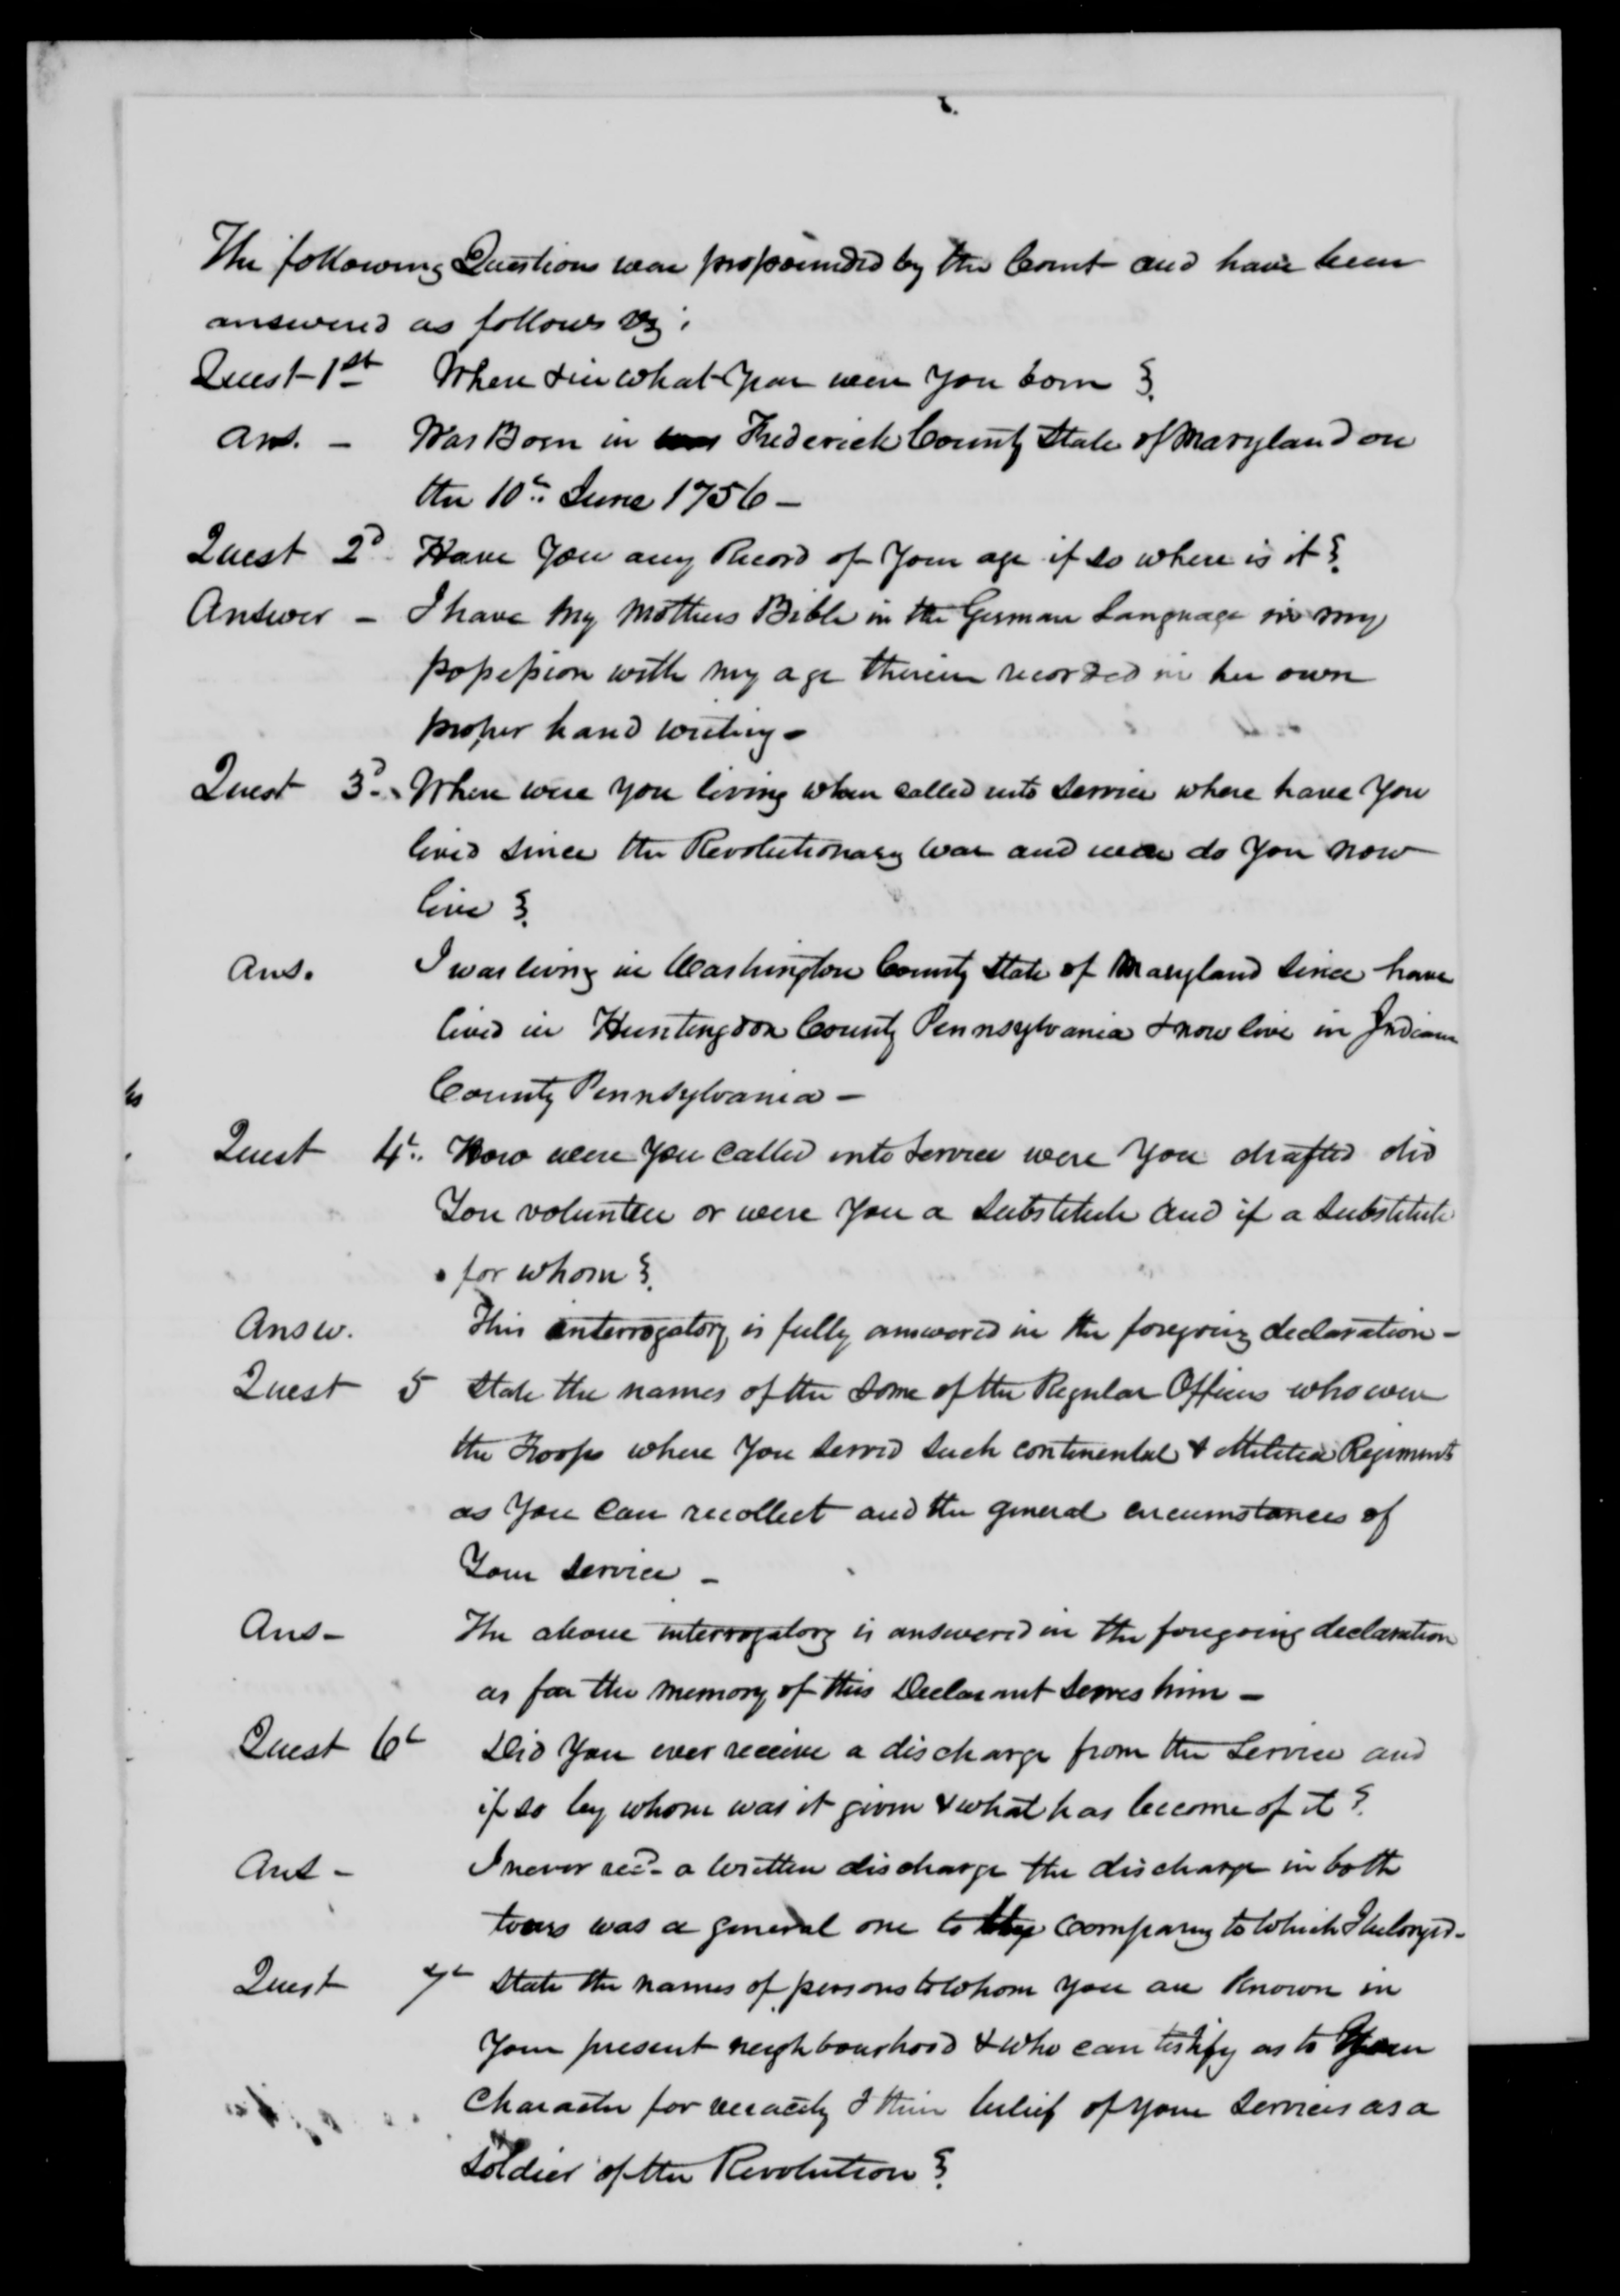The following Question was propounded by the Court and have been answered as follows viz:

Quest 1st - Where & in what year were you born?
Ans. - Was Born in Frederick County State of Maryland on the 10th June 1756-

Quest 2d - Have you any Record of your age if so where is it?
Answer - I have my mothers Bible in the German Language in my possession with my age therein recorded in her own proper hand writing-

Quest 3d - Where were you living when called into service; where have you lived since the Revolutionary war and where do you now live?
Ans. - I was living in Washington County State of Maryland, since have lived in Huntingdon County Pennsylvania & now live in Indiana County Pennsylvania

Quest 4th - How were you called into service; were you drafted; did you volunteer or were you a substitute and if a substitute for whom?
Answ. -This interrogatory is fully answered in the foregoing declaration-

Quest 5 - State the names of the some of the Regular Officers who were the Troops where you served; such continental & Militia Regiment
as you can recollect; and the general circumstances of Your service - 
Ans. - The above interrogatory is answered in the foregoing declaration, as far the memory of this Declarant serves him -

Quest 6th - Did you ever receive a discharge from the service and if so by whom was it given & what has become of it?
Ans. -  I never recd a written discharge. The discharge in both tours was a general one to the company to which I belonged


Quest 7th -State the names of persons to whom you are known in your present neighbourhood & who can testify as to your character for veracity & their belief of your services as a soldier of the Revolution.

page: 4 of 18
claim: rejected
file: R. 11854, Adam Woolheater, Md.